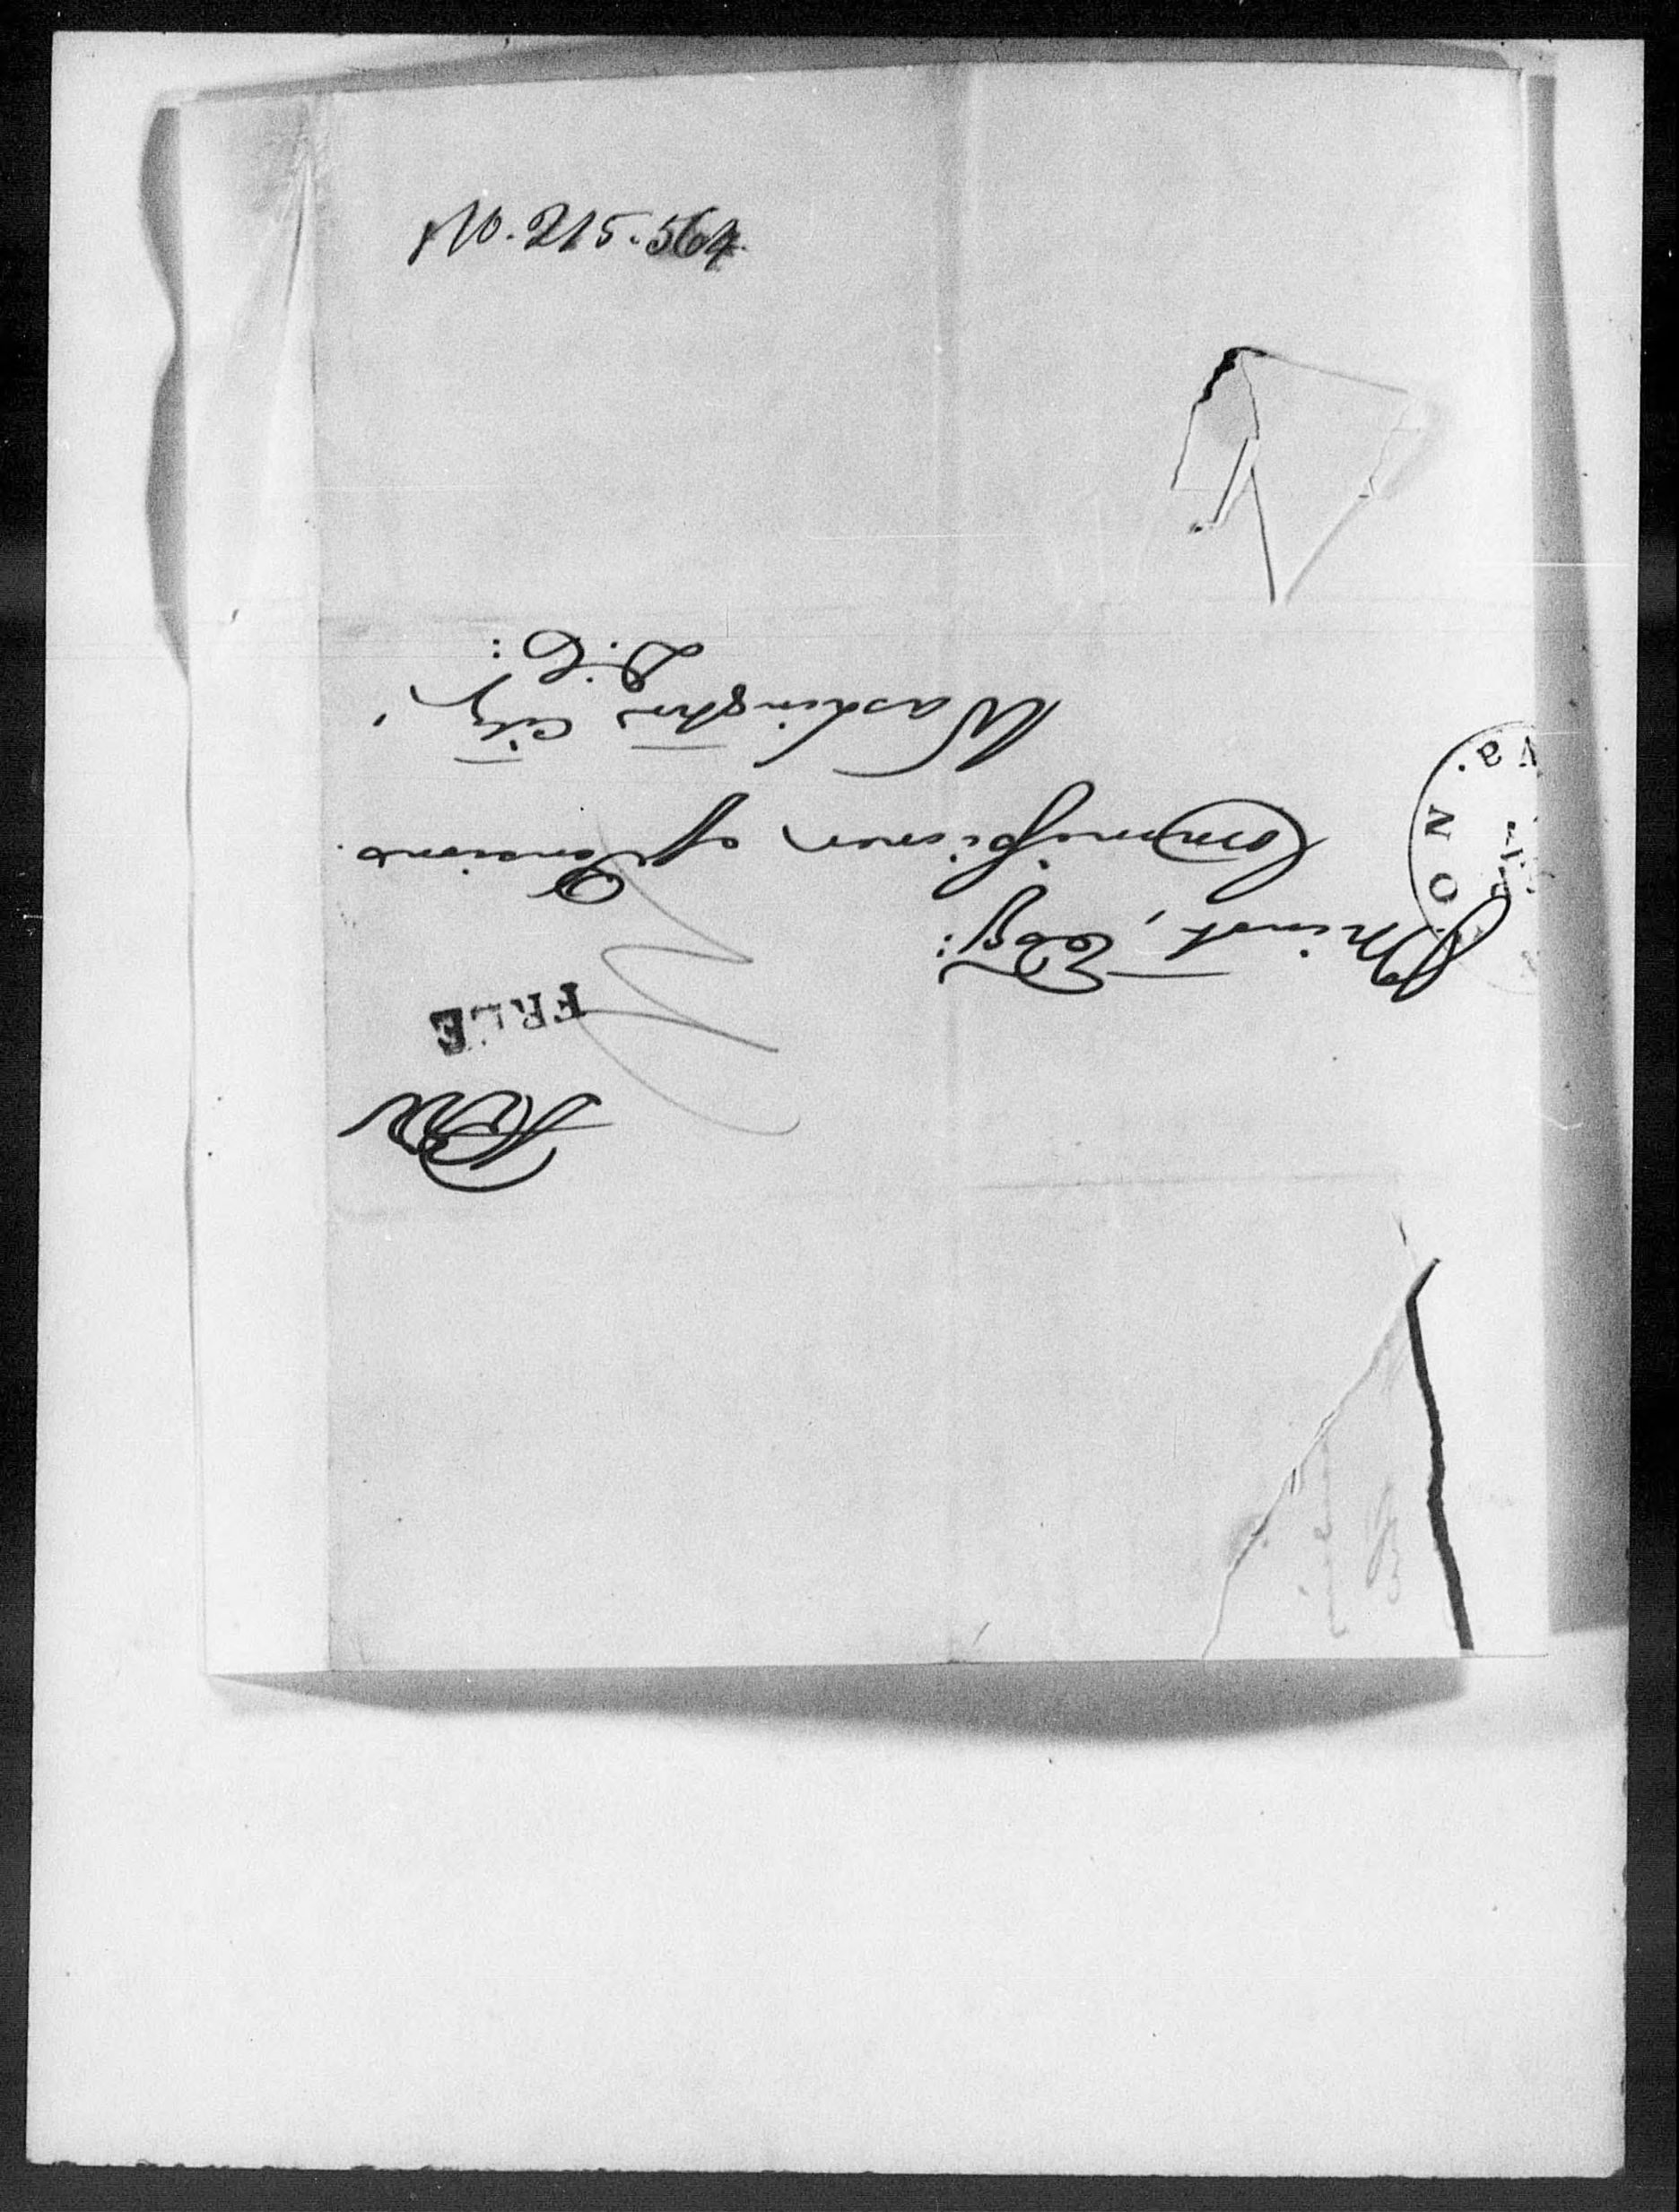no. 215.564

FREE
FREE [ink stamp]

J. Minot, Esq:
Commissioner of Pensions.
Washington City,
D. C.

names: J Minot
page: 31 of 71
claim: widow's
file: W. 25310, Claudius Buster, Va.